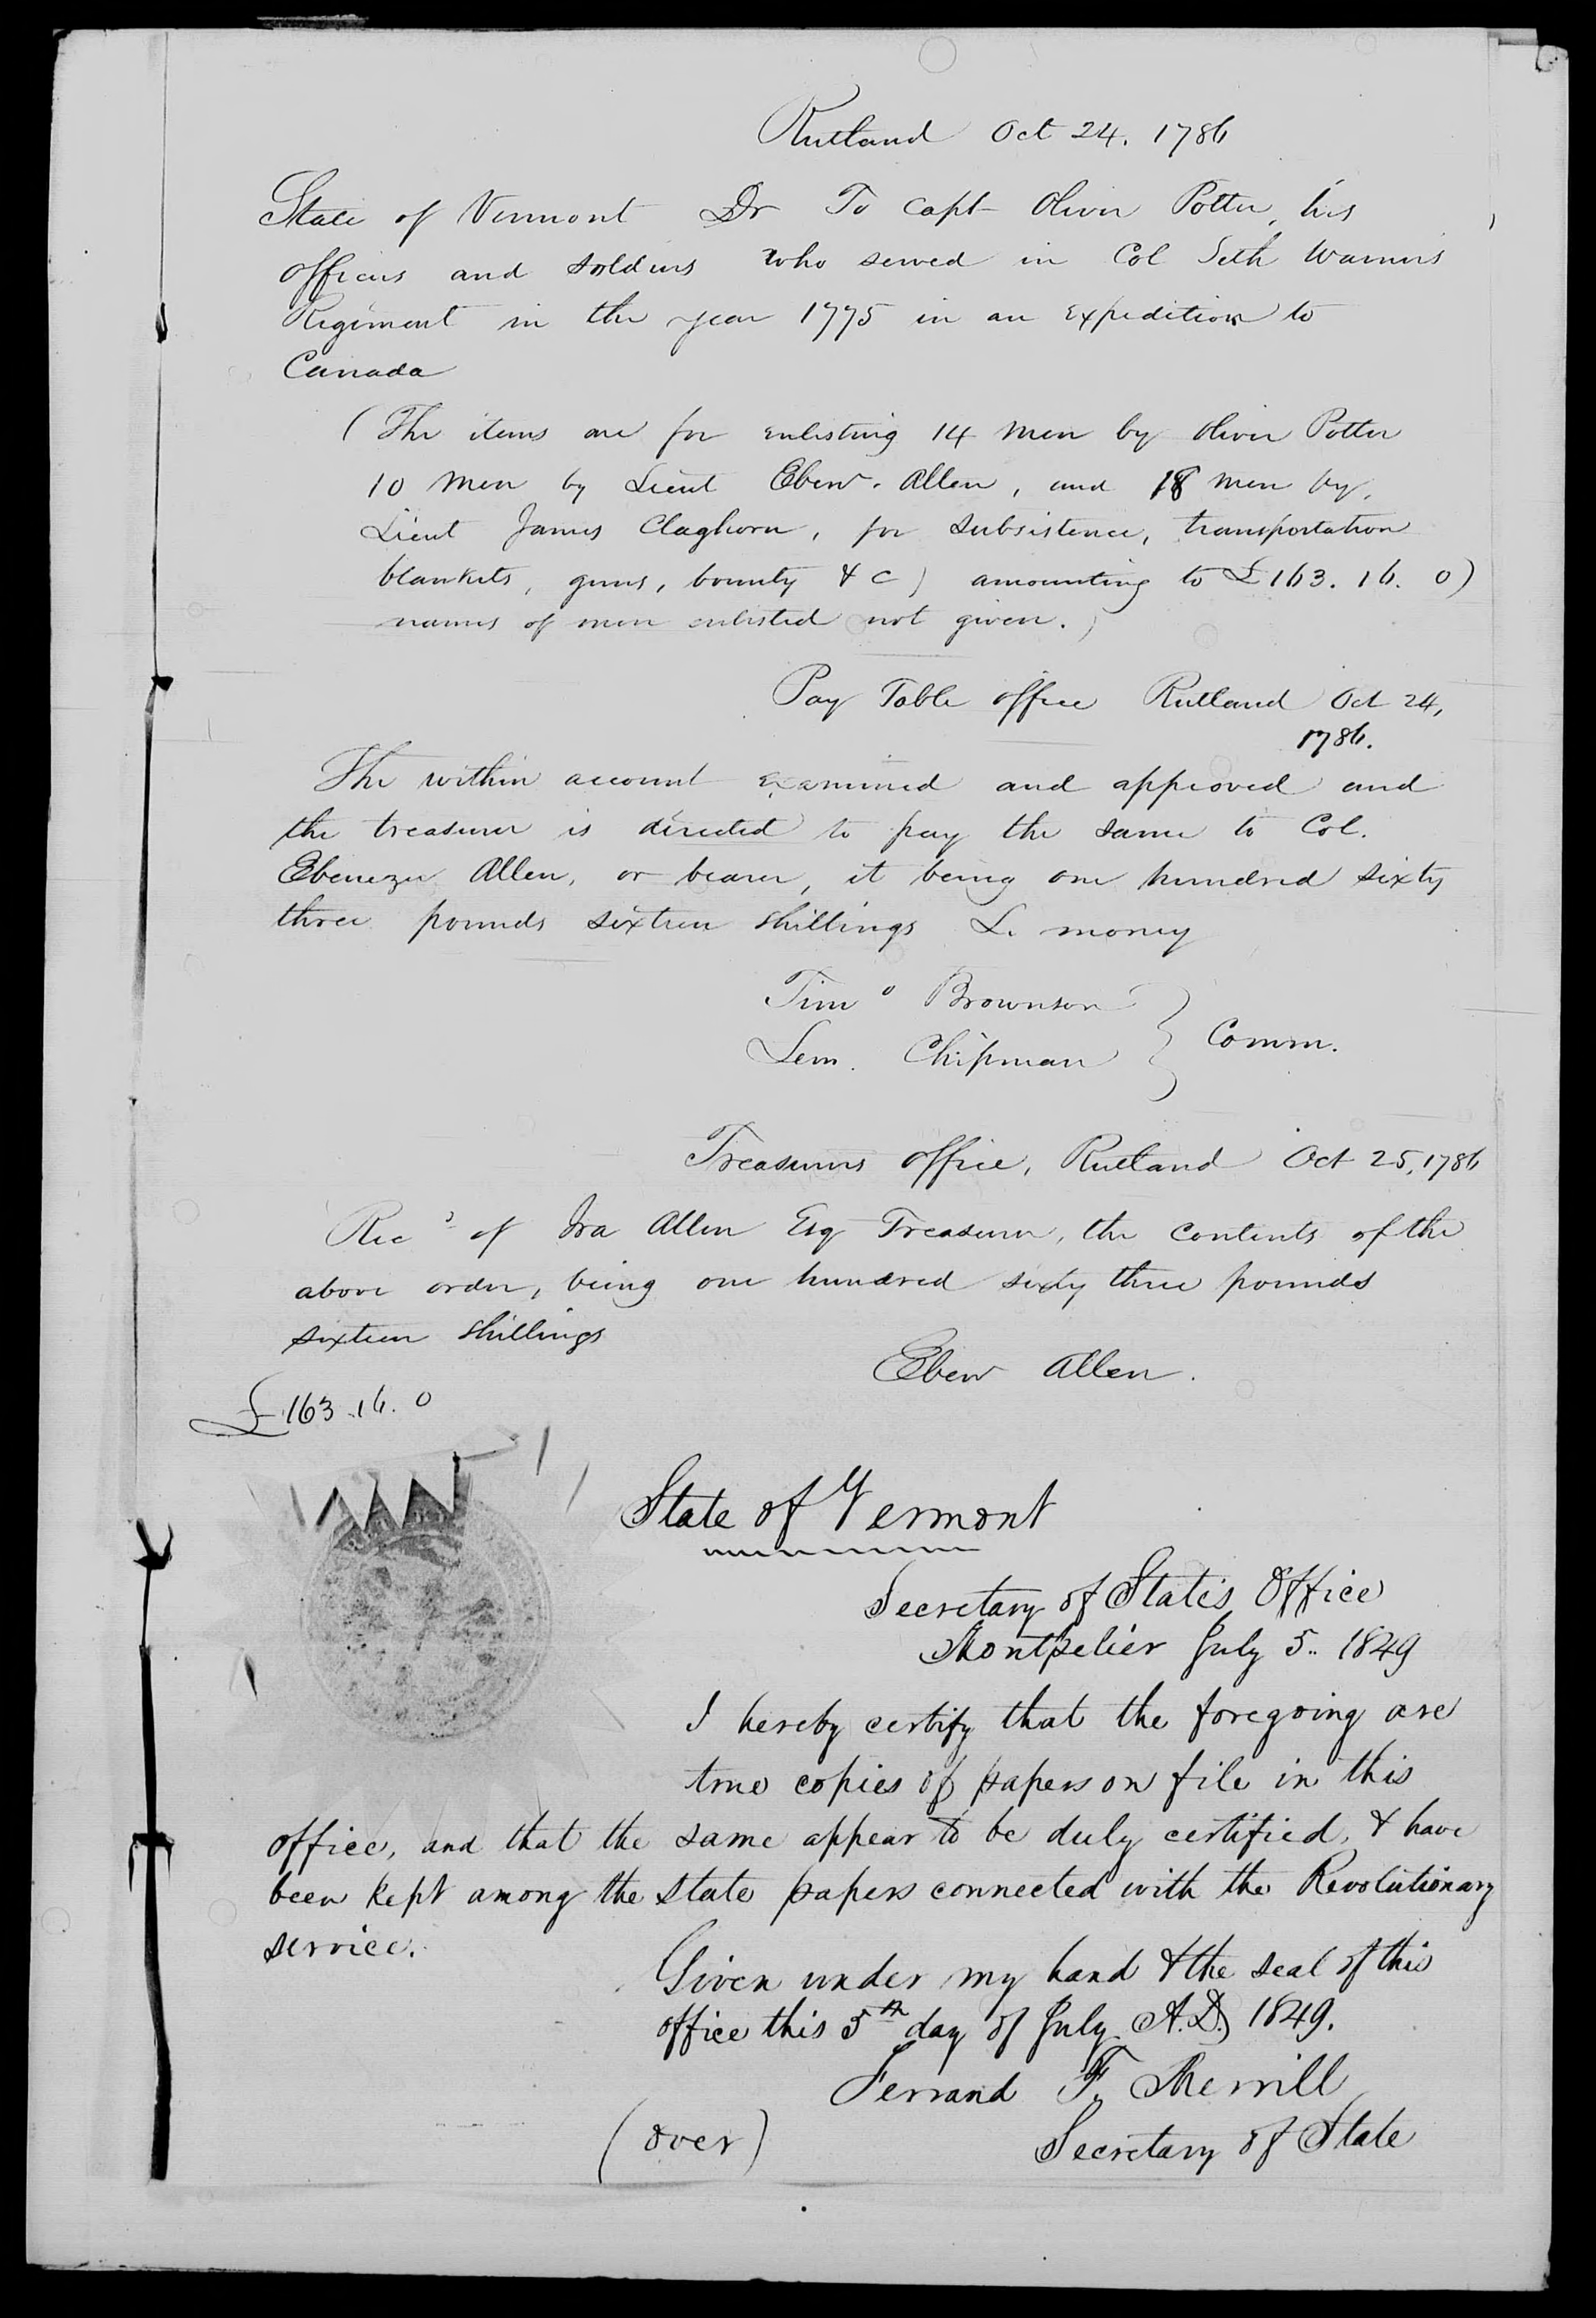Rutland Oct 24, 1786
State of Vermont Dr To Capt Oliver Potter, his
officers and soldiers who served in Col. Seth Warner’s
Regiment in the year 1775 in an expedition to
Canada
The items are for enlisting 14 men by Oliver Potter
10 men by Lieut Eben’r Allen, and 18 men by
Lieut James Claghorn, for subsistence, transportation
blankets, guns, County &c amounting to #163.16.0, 
names of men enlisted not given.

Pay Table office Rutland Oct 24,1786
The within account examined and approved and
the treasurer is directed to pay the same to Col
Ebenezer Allen, or bearer, it being one hundred sixty
three pounds sixteen shillings L money
Tim’o Brownson
Lem. Chipman
Comm.
Treasurer’s office, Rutland Oct 25, 1786
Rec’d of Ira Allen Esq Treasurer, the contents of the
above order, being one hundred sixty three pounds
sixteen shillings
Eben Allen
#163.16.0

State of Vermont Secretary of State’s Office
Montpelier July 5, 1849
I hereby certify that the foregoing are true copies of papers on file in this office, and that the same appear to be duly certified, & have been kept among the State papers connected with the Revolutionary service;
Given under my hand & the seal of this office this 5th day of July A.D. 1849.
Ferrand F Merrill
Secretary of State
(over)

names: Ira Allen; Ferrand F Merrill; Ebenezer Allen; Sem Chipman; Oliver Potter; James Claghorn; Timo Brownson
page: 29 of 99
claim: widow's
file: W. 24,482, for Richard Lattin, Vermont